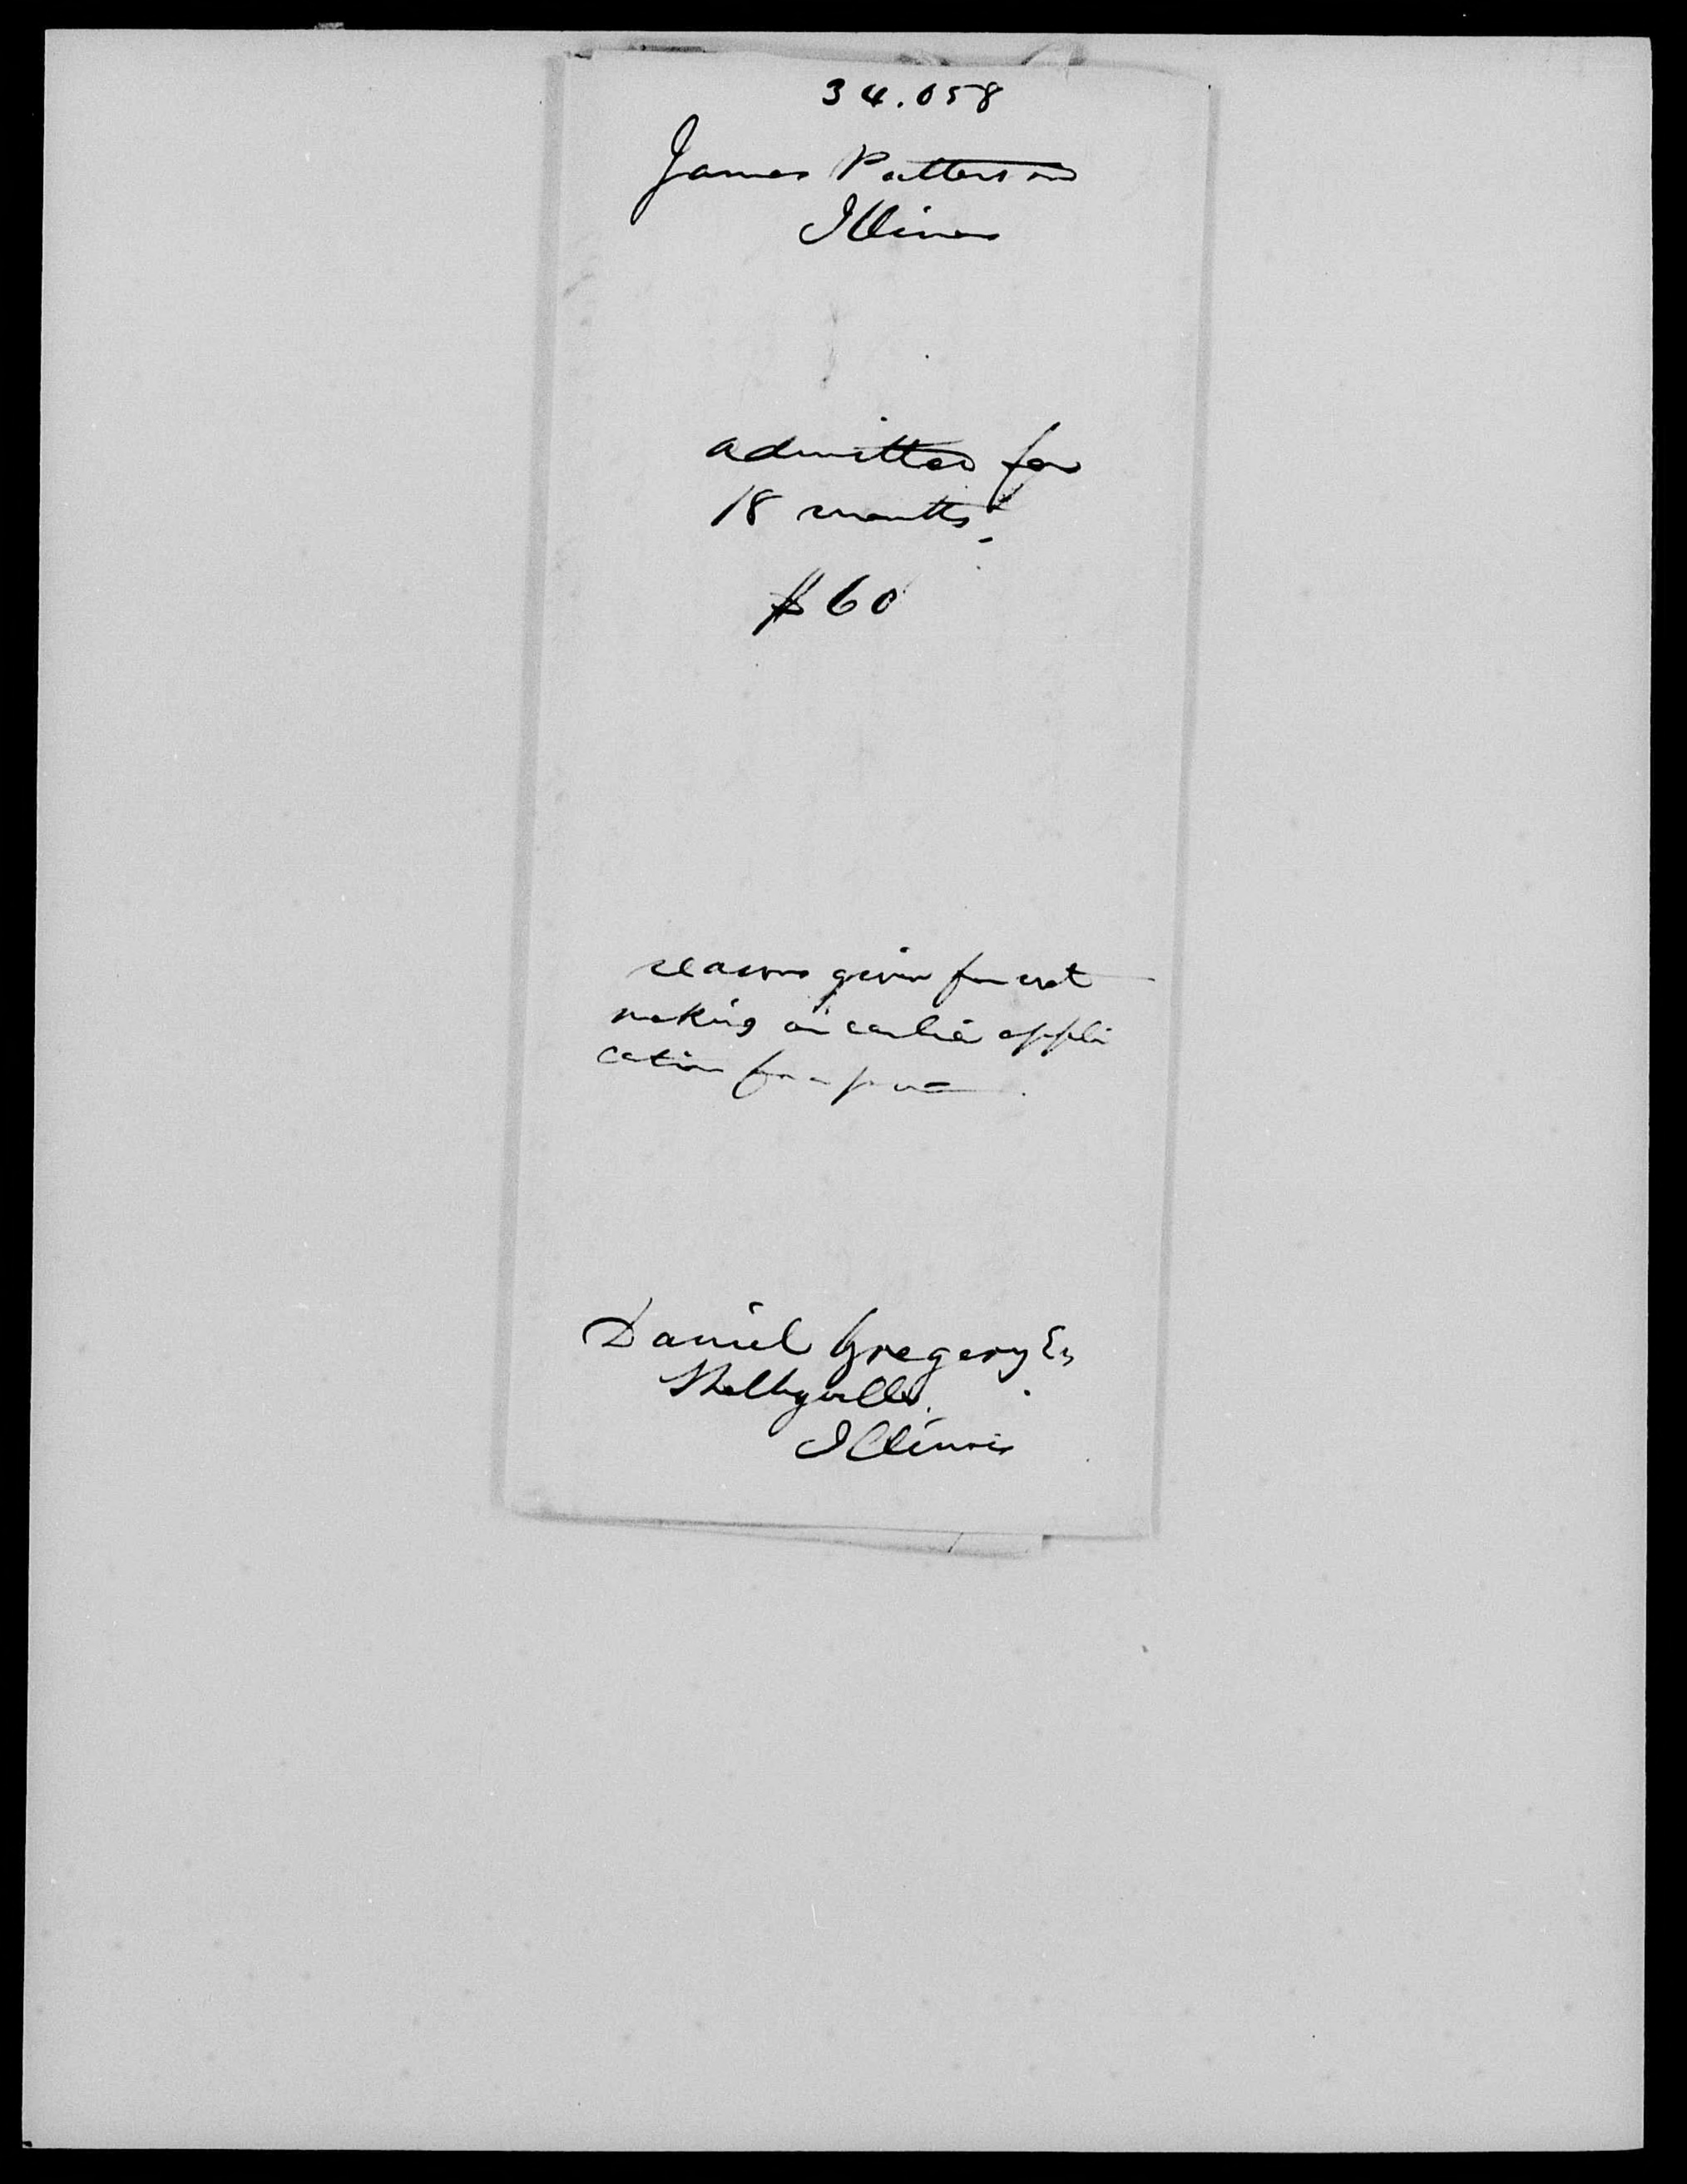34,058
James Patterson 
Illinois 
admitted for 
18 months 
$60 

reasons given for not making [illegible oncertie] application for [illegible of]

Daniel Gregery Es
[illegible Shelbyville]
Illinois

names: Daniel Gregery; James Patterson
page: 41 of 69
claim: widow's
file: W. 10861, for James Patterson, North Carolina